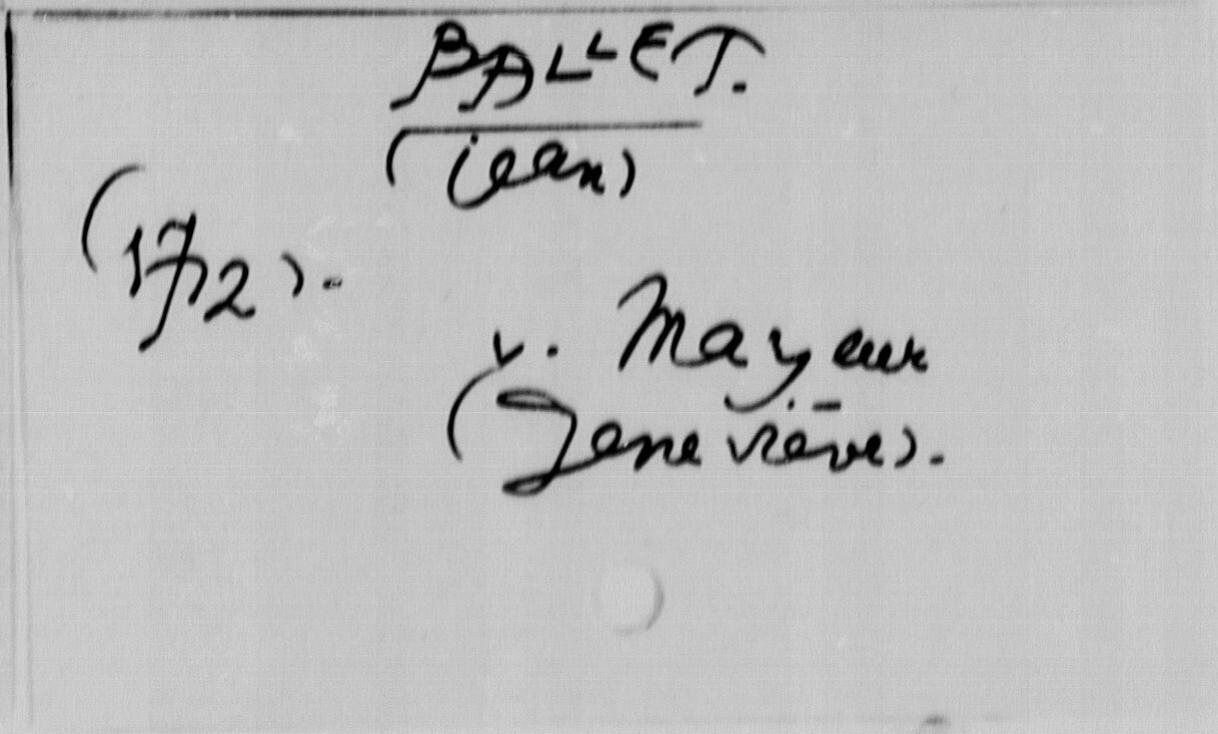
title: BALLET (Jean)
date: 1712
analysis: Voir MAYEUR (Geneviève)
